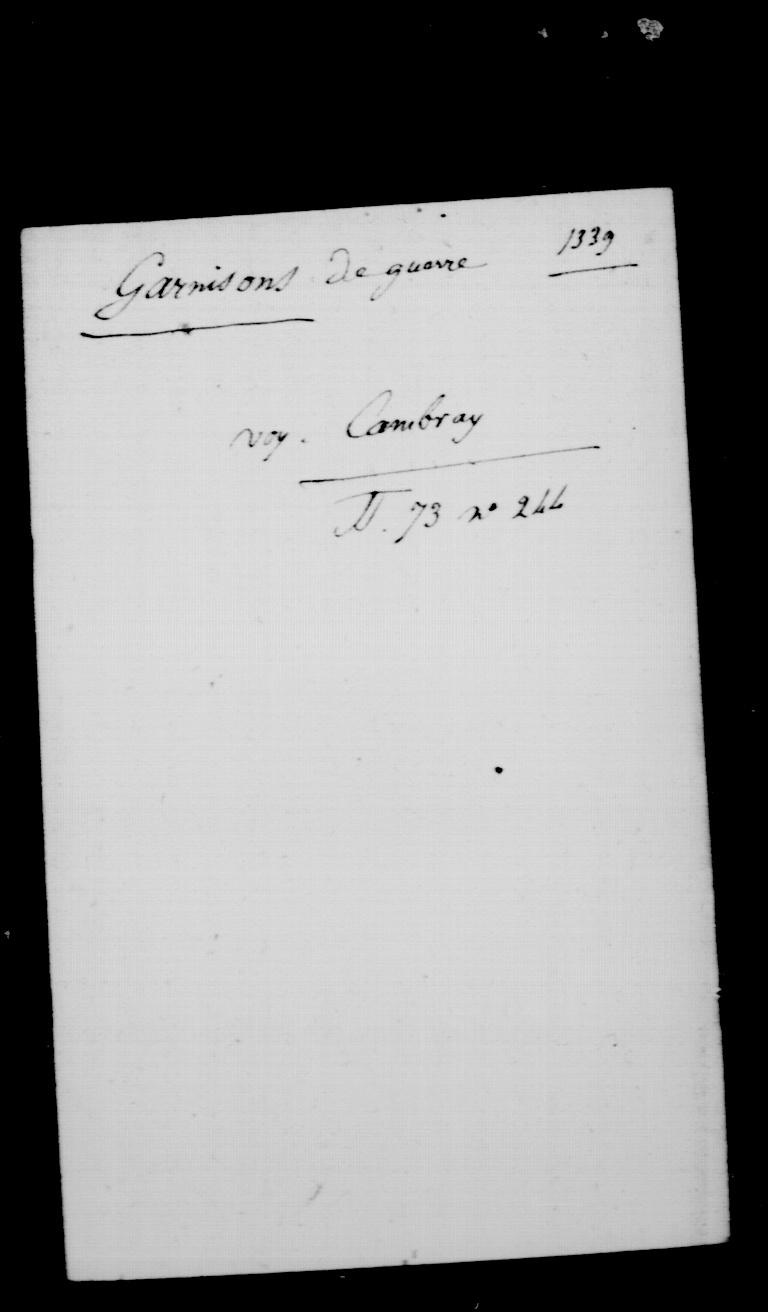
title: Garnisons de guerre
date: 1339
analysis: voir Cambray
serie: JJ
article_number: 73
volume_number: n° 244
